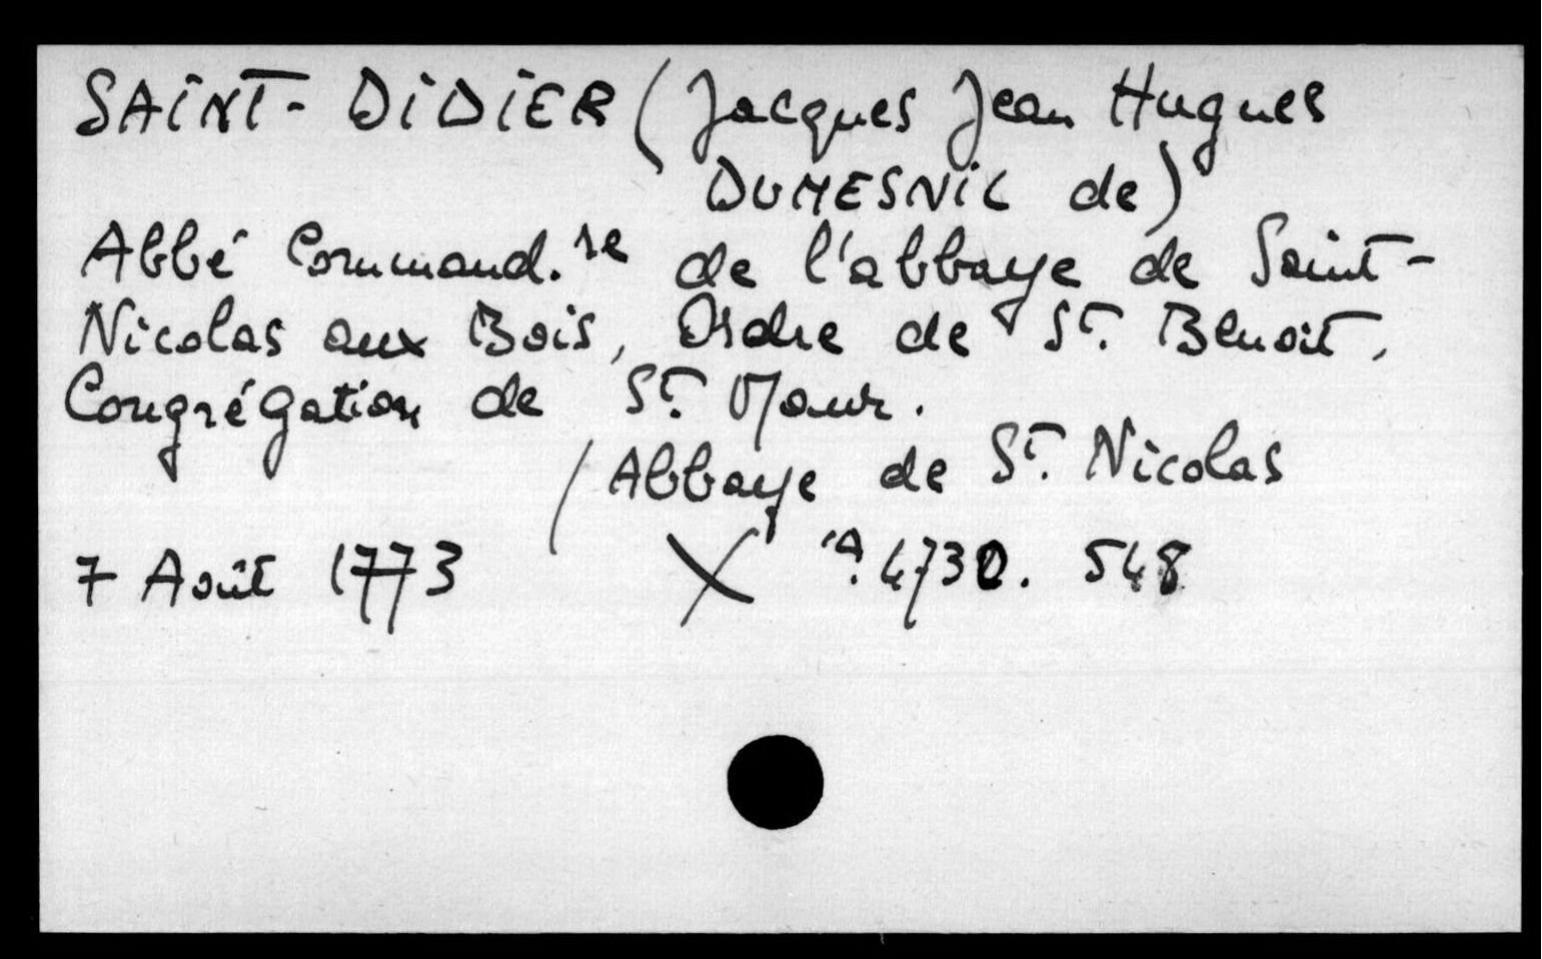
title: SAINT-DIDIER (Jacques Jean Hugues DUMESNIL de) Abbé commanditaire de l'abbaye de Saint-Nicolas aux Bois, ordre de Saint-Benoît. Congrégation de Saint-Maur
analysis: Contre Abbaye de Saint-Nicolas
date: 7 août 1773
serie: X1A
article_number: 4730
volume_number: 548
